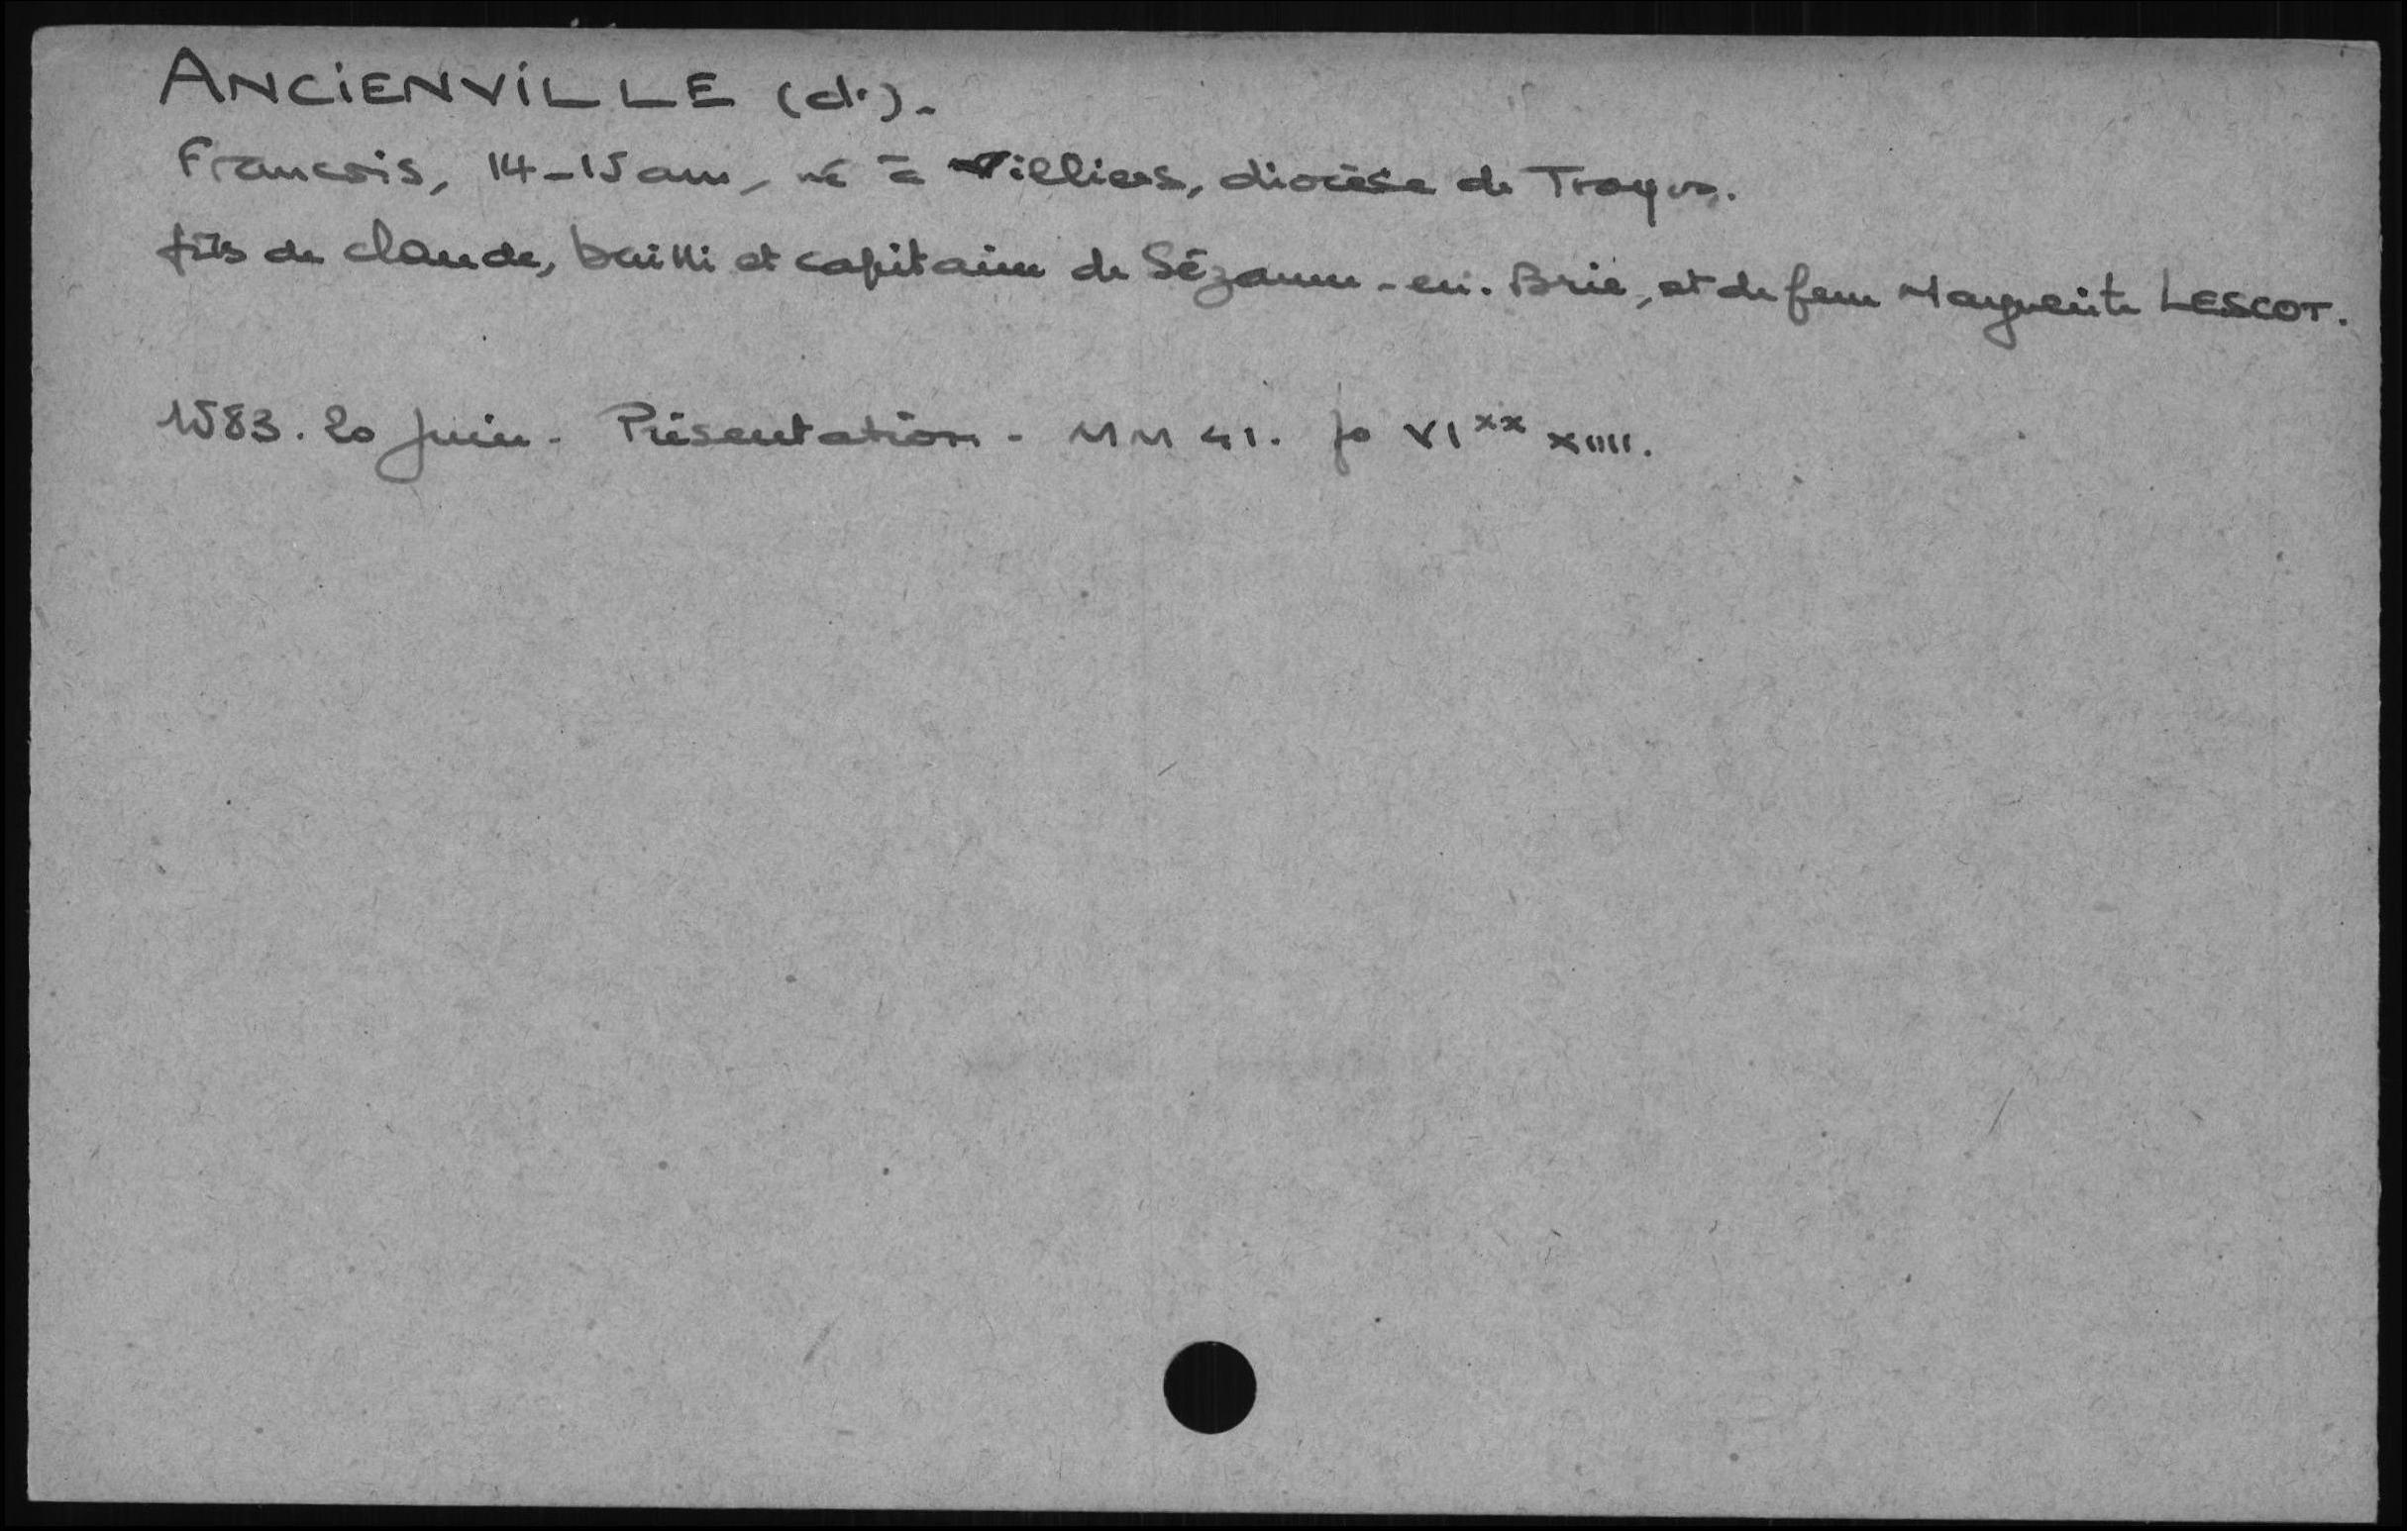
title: ANCIENVILLE (d') François, 14-15 ans, né à Villiers, diocèse de Troyes fils de Claude, bailli et capitaine de Sézanne-en-Brie, et de feue Marguerite Lescot.
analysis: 1583, 20 juin. Présentation. MM 41, fol. VIxx XIIII.
